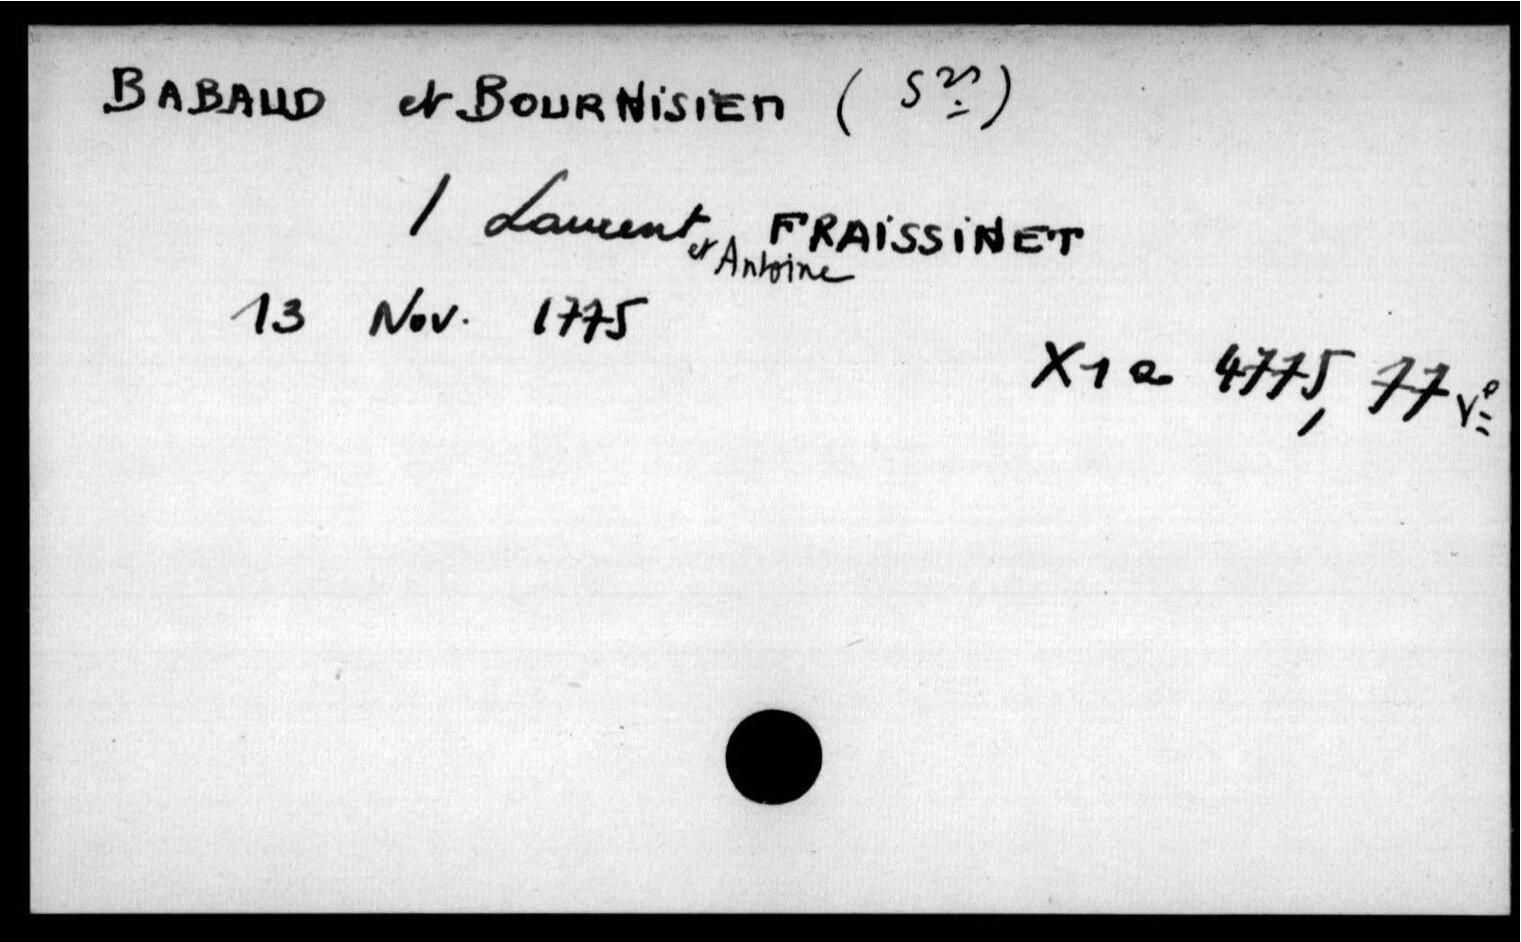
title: BABAUD et BOURNISIEN (Sieurs)
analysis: Contre Laurent et Antoine FRAISSINET
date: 13 novembre 1775
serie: X1a
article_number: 4775
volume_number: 77v
